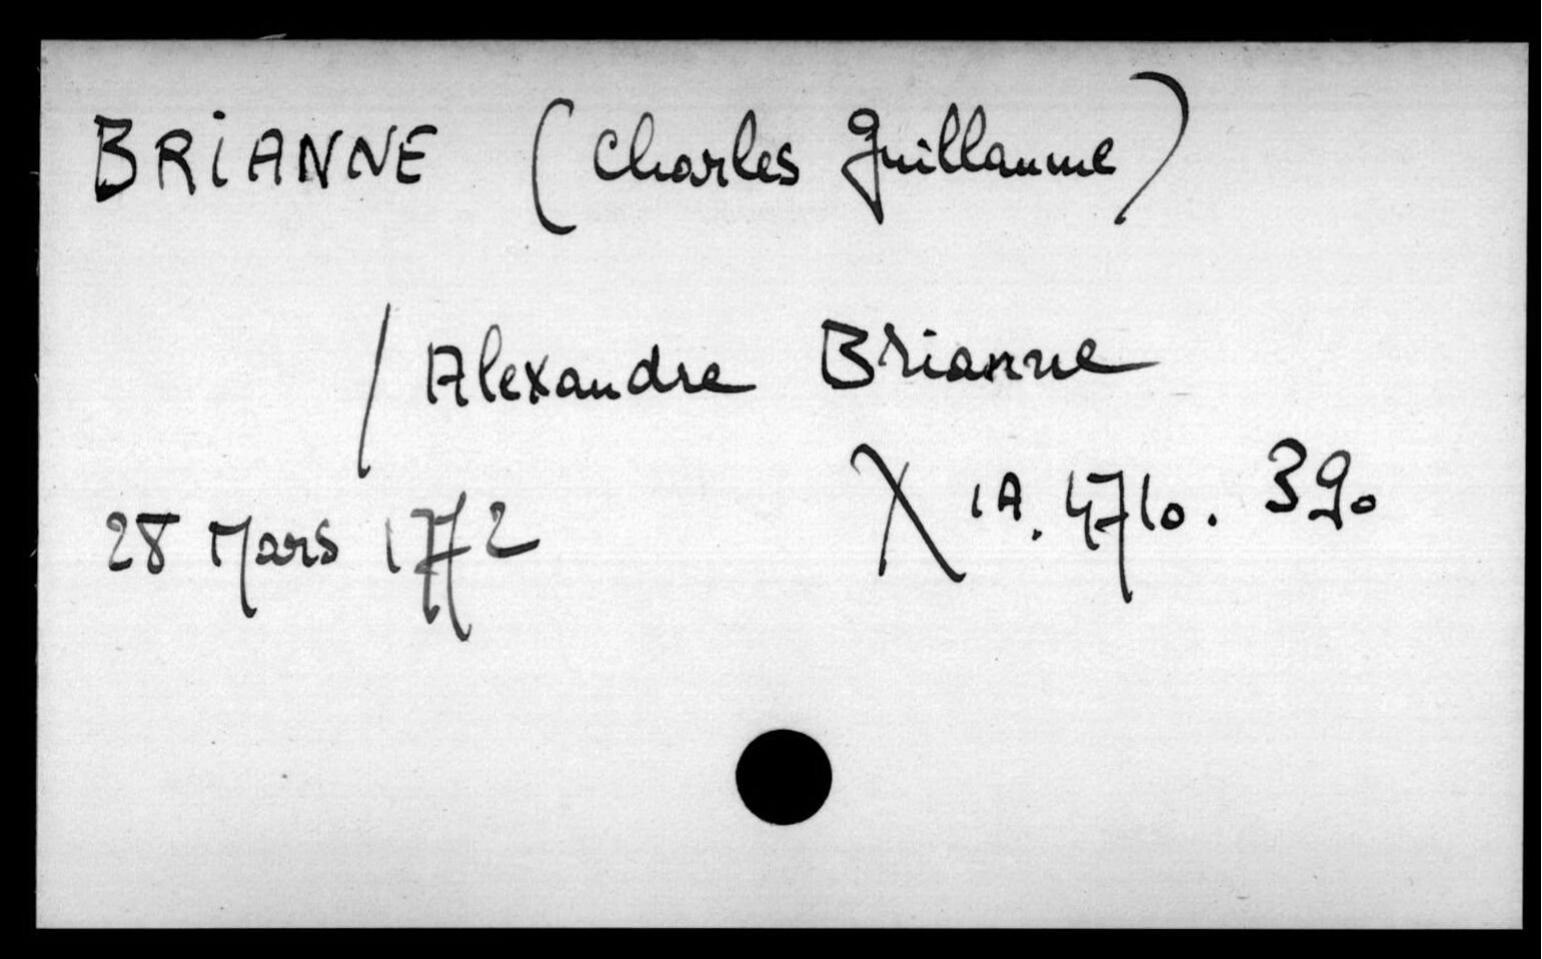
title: BRIANNE (Charles Guillaume)
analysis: Contre Alexandre Brianne
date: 28 mars 1772
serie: X1A
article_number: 4710
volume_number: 390
